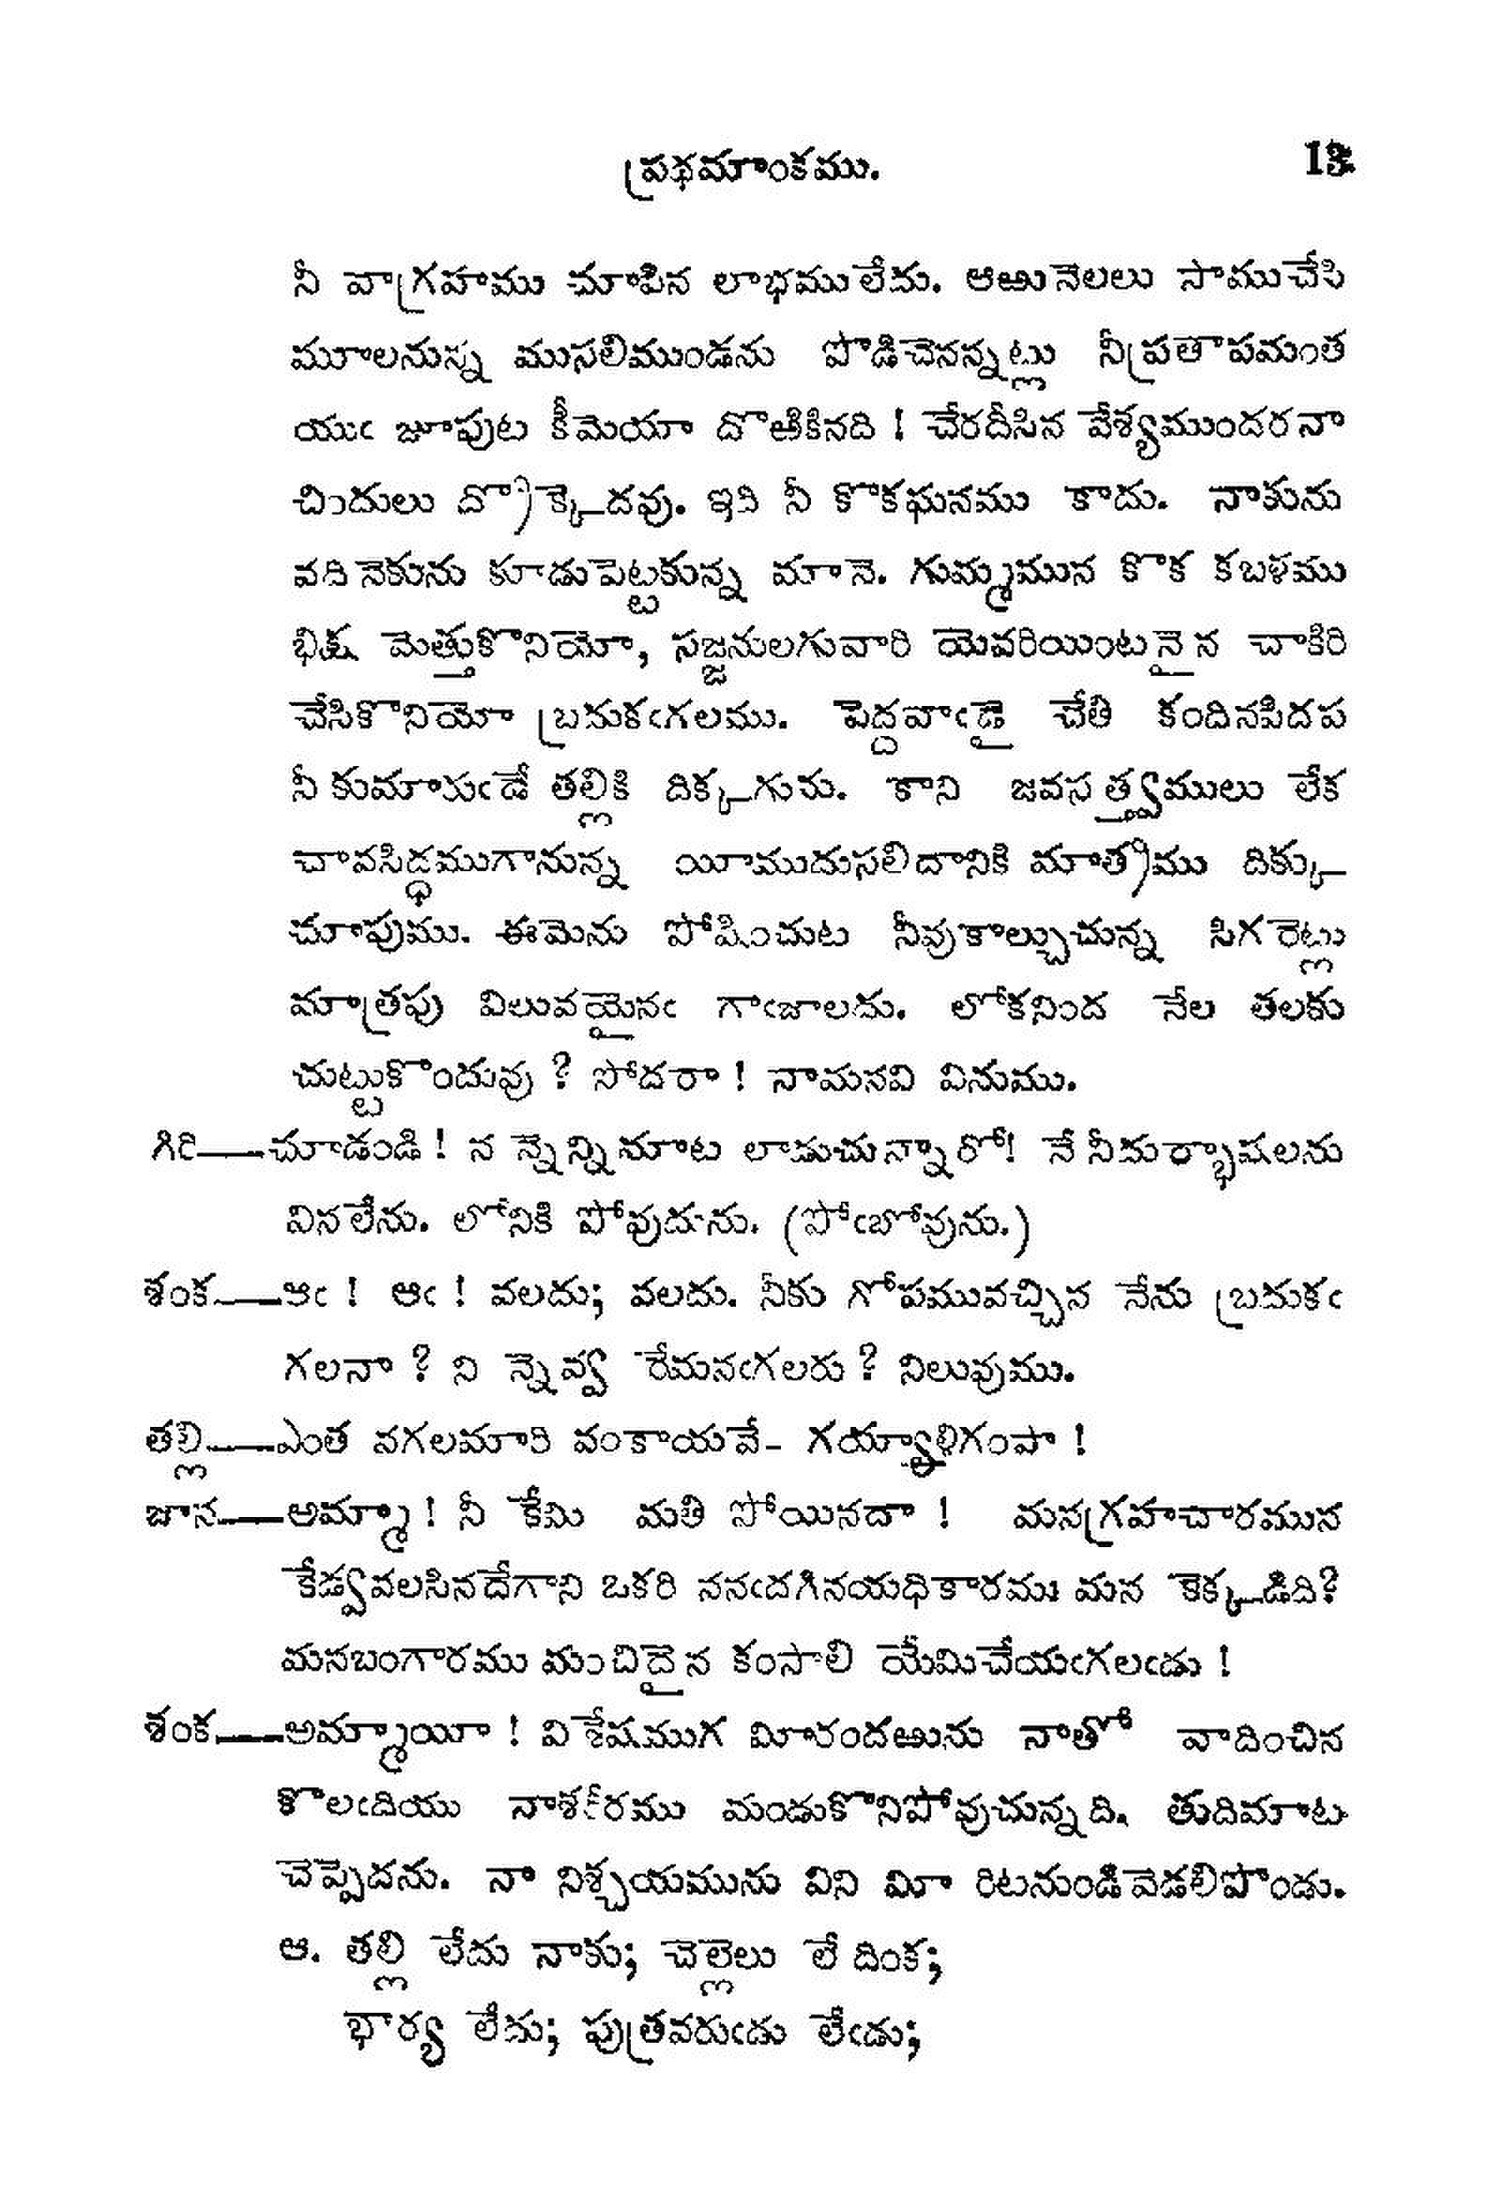నీ వాగ్రహము చూపిన లాభములేదు. ఆఱునెలలు సాముచేసి మూలనున్న ముసలిముండను పొడిచెనన్నట్లు నీప్రతాపమంతయుఁ జూపుట కీమెయా దొఱికినది ! చేరదీసిన వేశ్యముందరనా
చిందులు ద్రొక్కెదవు. ఇది నీ కొకఘనము కాదు. నాకును వదినెకును కూడుపెట్టకున్న మానె. గుమ్మమున కొక కబళము భిక్ష మెత్తుకొనియో, సజ్జనులగువారి యెవరియింటనైన చాకిరి చేసికొనియో బ్రదుకఁగలము. పెద్దవాఁడై చేతి కందినపిదప నీ కుమారుఁడే తల్లికి దిక్కగును. కాని జవసత్త్వములు లేక చావసిద్ధముగానున్న యీముదుసలి దానికి మాత్రము దిక్కు చూపుము. ఈమెను పోషించుట నీవుకాల్చుచున్న సిగరెట్లు మాత్రపు విలువయైనఁ గాఁజాలదు. లోకనింద నేల తలకు చుట్టుకొందువు ? సోదరా ! నామనవి వినుము.

గిరి - చూడండి ! న న్నెన్నిమాట లాడుచున్నారో! నే నీదుర్భాషలను వినలేను. లోనికి పోవుదును. (పోఁబోవును.)

శంక -- ఆఁ ! ఆఁ ! వలదు; వలదు. నీకు గోపమువచ్చిన నేను బ్రదుకఁ గలనా ? ని నెవ్వ రేమనఁగలరు ? నిలువుము.

తల్లి -ఎంత వగలమారి వంకాయవే - గయ్యాళిగంపా !

జాన - అమ్మా ! నీ కేమి మతి పోయినదా ! మనగ్రహచారమున కేడ్వవలసినదేగాని ఒకరి ననఁదగినయధికారము మన కెక్కడిది? మనబంగారము మంచిదైన కంసాలి యేమిచేయఁగలఁడు !

శంక - అమ్మాయీ ! విశేషముగ మీరందఱును నాతో వాదించిన కొలఁదియు నాశరీరము మండుకొనిపోవుచున్నది. తుదిమాట చెప్పెదను. నా నిశ్చయమును విని మీ రిటనుండివెడలిపొండు.

ఆ. తల్లి లేదు నాకు; చెల్లెలు లేదింక,

భార్య లేదు; పుత్రవరుఁడు లేఁడు;